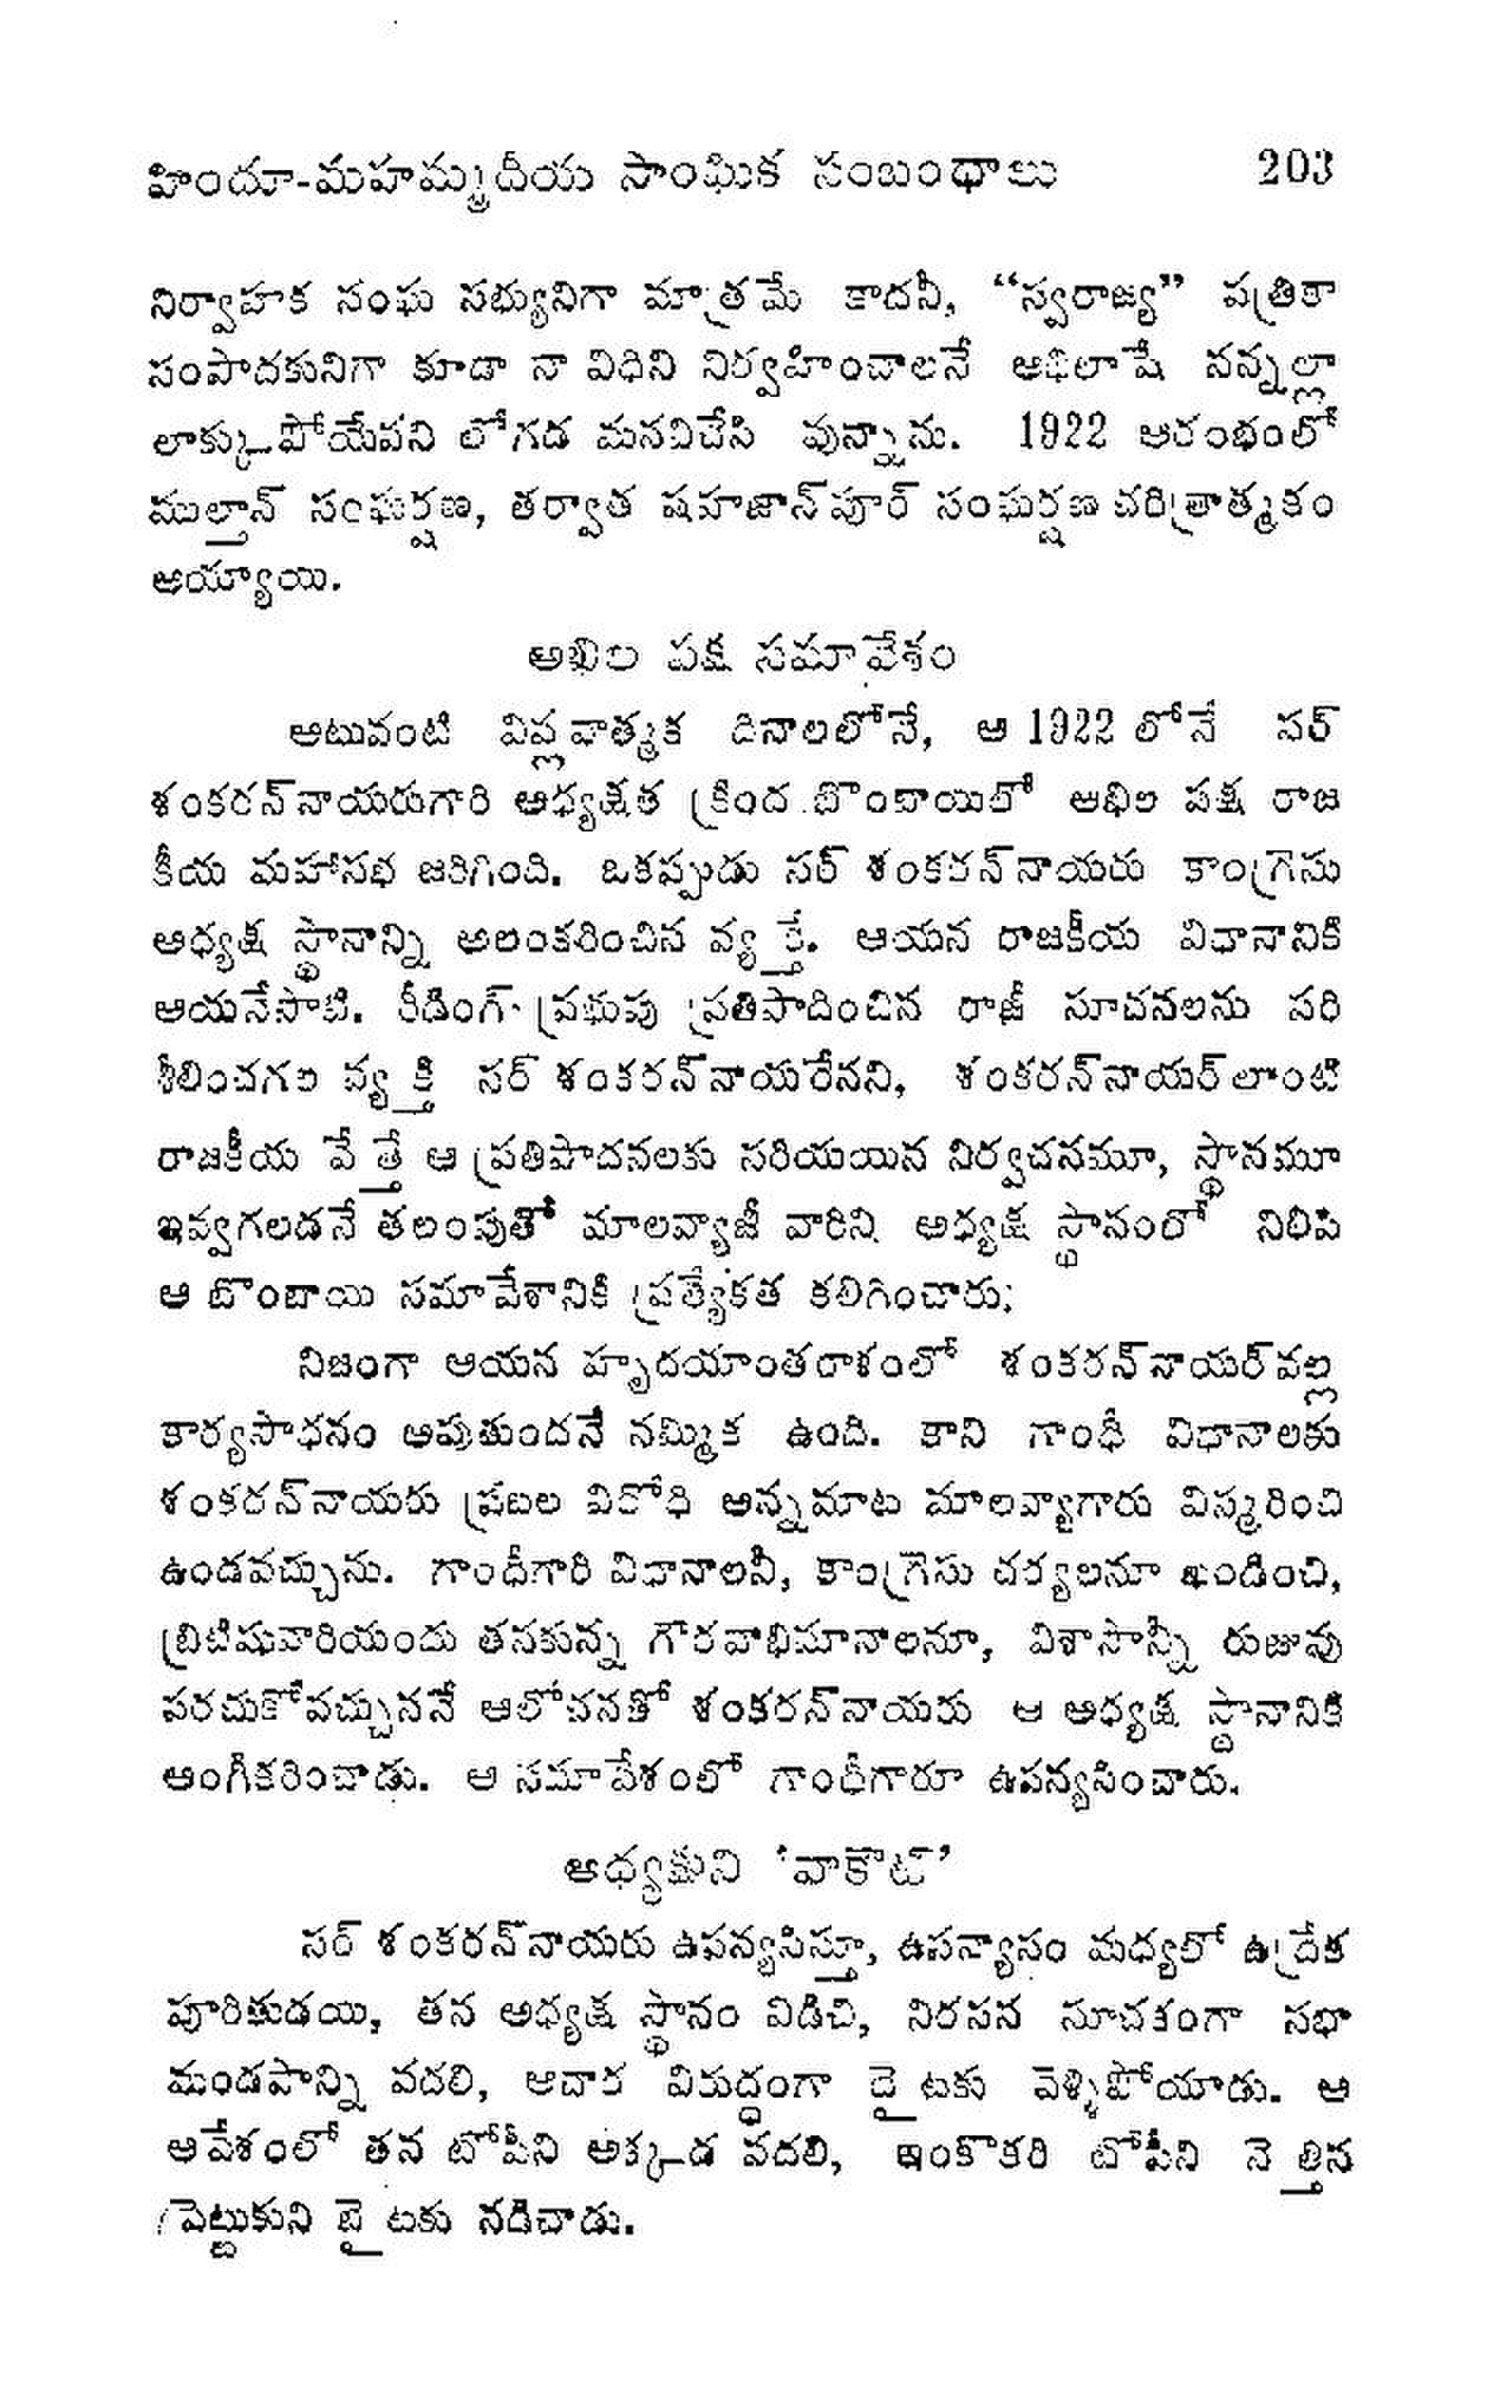నిర్వాహక సంఘ సభ్యునిగా మాత్రమే కాదనీ, "స్వరాజ్య" పత్రికా సంపాదకునిగా కూడా నా విధిని నిర్వహించాలనే అభిలాషే నన్నాల్లా లాక్కుపోయేవని లోగడ మనవిచేసి వున్నాను. 1922 ఆరంభంలో ముల్తాన్ సంఘర్షణ, తర్వాత షహజాన్‌పూర్ సంఘర్షణ చరిత్రాత్మకం అయ్యాయి.

అటువంటి విప్లవాత్మక దినాలలోనే, ఆ 1922 లోనే సర్ శంకరన్‌నాయరుగారి అధ్యక్షత క్రింద బొంబాయిలో అఖిల పక్ష రాజకీయ మహాసభ జరిగింది. ఒకప్పుడు సర్ శంకరన్‌నాయరు కాంగ్రెసు అధ్యక్ష స్థానాన్ని అలంకరించిన వ్యక్తే. ఆయన రాజకీయ విధానానికి అయనేసాటి. రీడింగ్ ప్రభువు ప్రతిపాదించిన రాజీ సూచనలను సరి శీలించగల వ్యక్తి సర్ శంకరన్‌నాయరేనని. శంకరన్‌నాయర్‌ లాంటి రాజకీయ వేత్తే ఆ ప్రతిపాదనలకు సరియయిన నిర్వచనమూ, స్థానమూ ఇవ్వగలడనే తలంపుతో మాలవ్యాజీ వారిని, అధ్యక్ష స్థానంలో నిలిపి ఆ బొంబాయి సమావేశానికి ప్రత్యేకత కలిగించారు.

నిజంగా ఆయన హృదయాంతరాళంలో శంకరన్‌నాయర్ వల్ల కార్యసాధనం అవుతుందనే నమ్మిక ఉంది. కాని గాంధీ విధానాలకు శంకరన్‌నాయరు ప్రబల విరోధి అన్నమాట మాలవ్యాగారు విస్మరించి ఉండవచ్చును. గాంధీగారి విధానాలనీ, కాంగ్రెసు చర్యలనూ ఖండించి, బ్రిటిషువారి యందు తనకున్న గౌరవాభిమానాలనూ, విశ్వాసాన్నీ రుజువు పరచుకోవచ్చుననే ఆలోచనతో శంకరన్‌నాయరు ఆ అధ్యక్ష స్థానానికి అంగీకరించాడు. అ సమావేశంలో గాంధీగారూ ఉపన్యసించారు.

సర్ శంకరన్‌నాయరు ఉపన్యసిస్తూ, ఉపన్యాసం మధ్యలో ఉద్రేకపూరితుడయి, తన అధ్యక్ష స్థానం విడిచి, నిరసన సూచకంగా సభా మండపాన్ని వదలి, ఆచార విరుద్దంగా బైటకు వెళ్ళిపోయాడు. ఆ అవేశంలో తన టోపీని అక్కడ వదలి, ఇంకొకరి టోపీని నెత్తిన పెట్టుకొని బైటకు నడిచాడు.